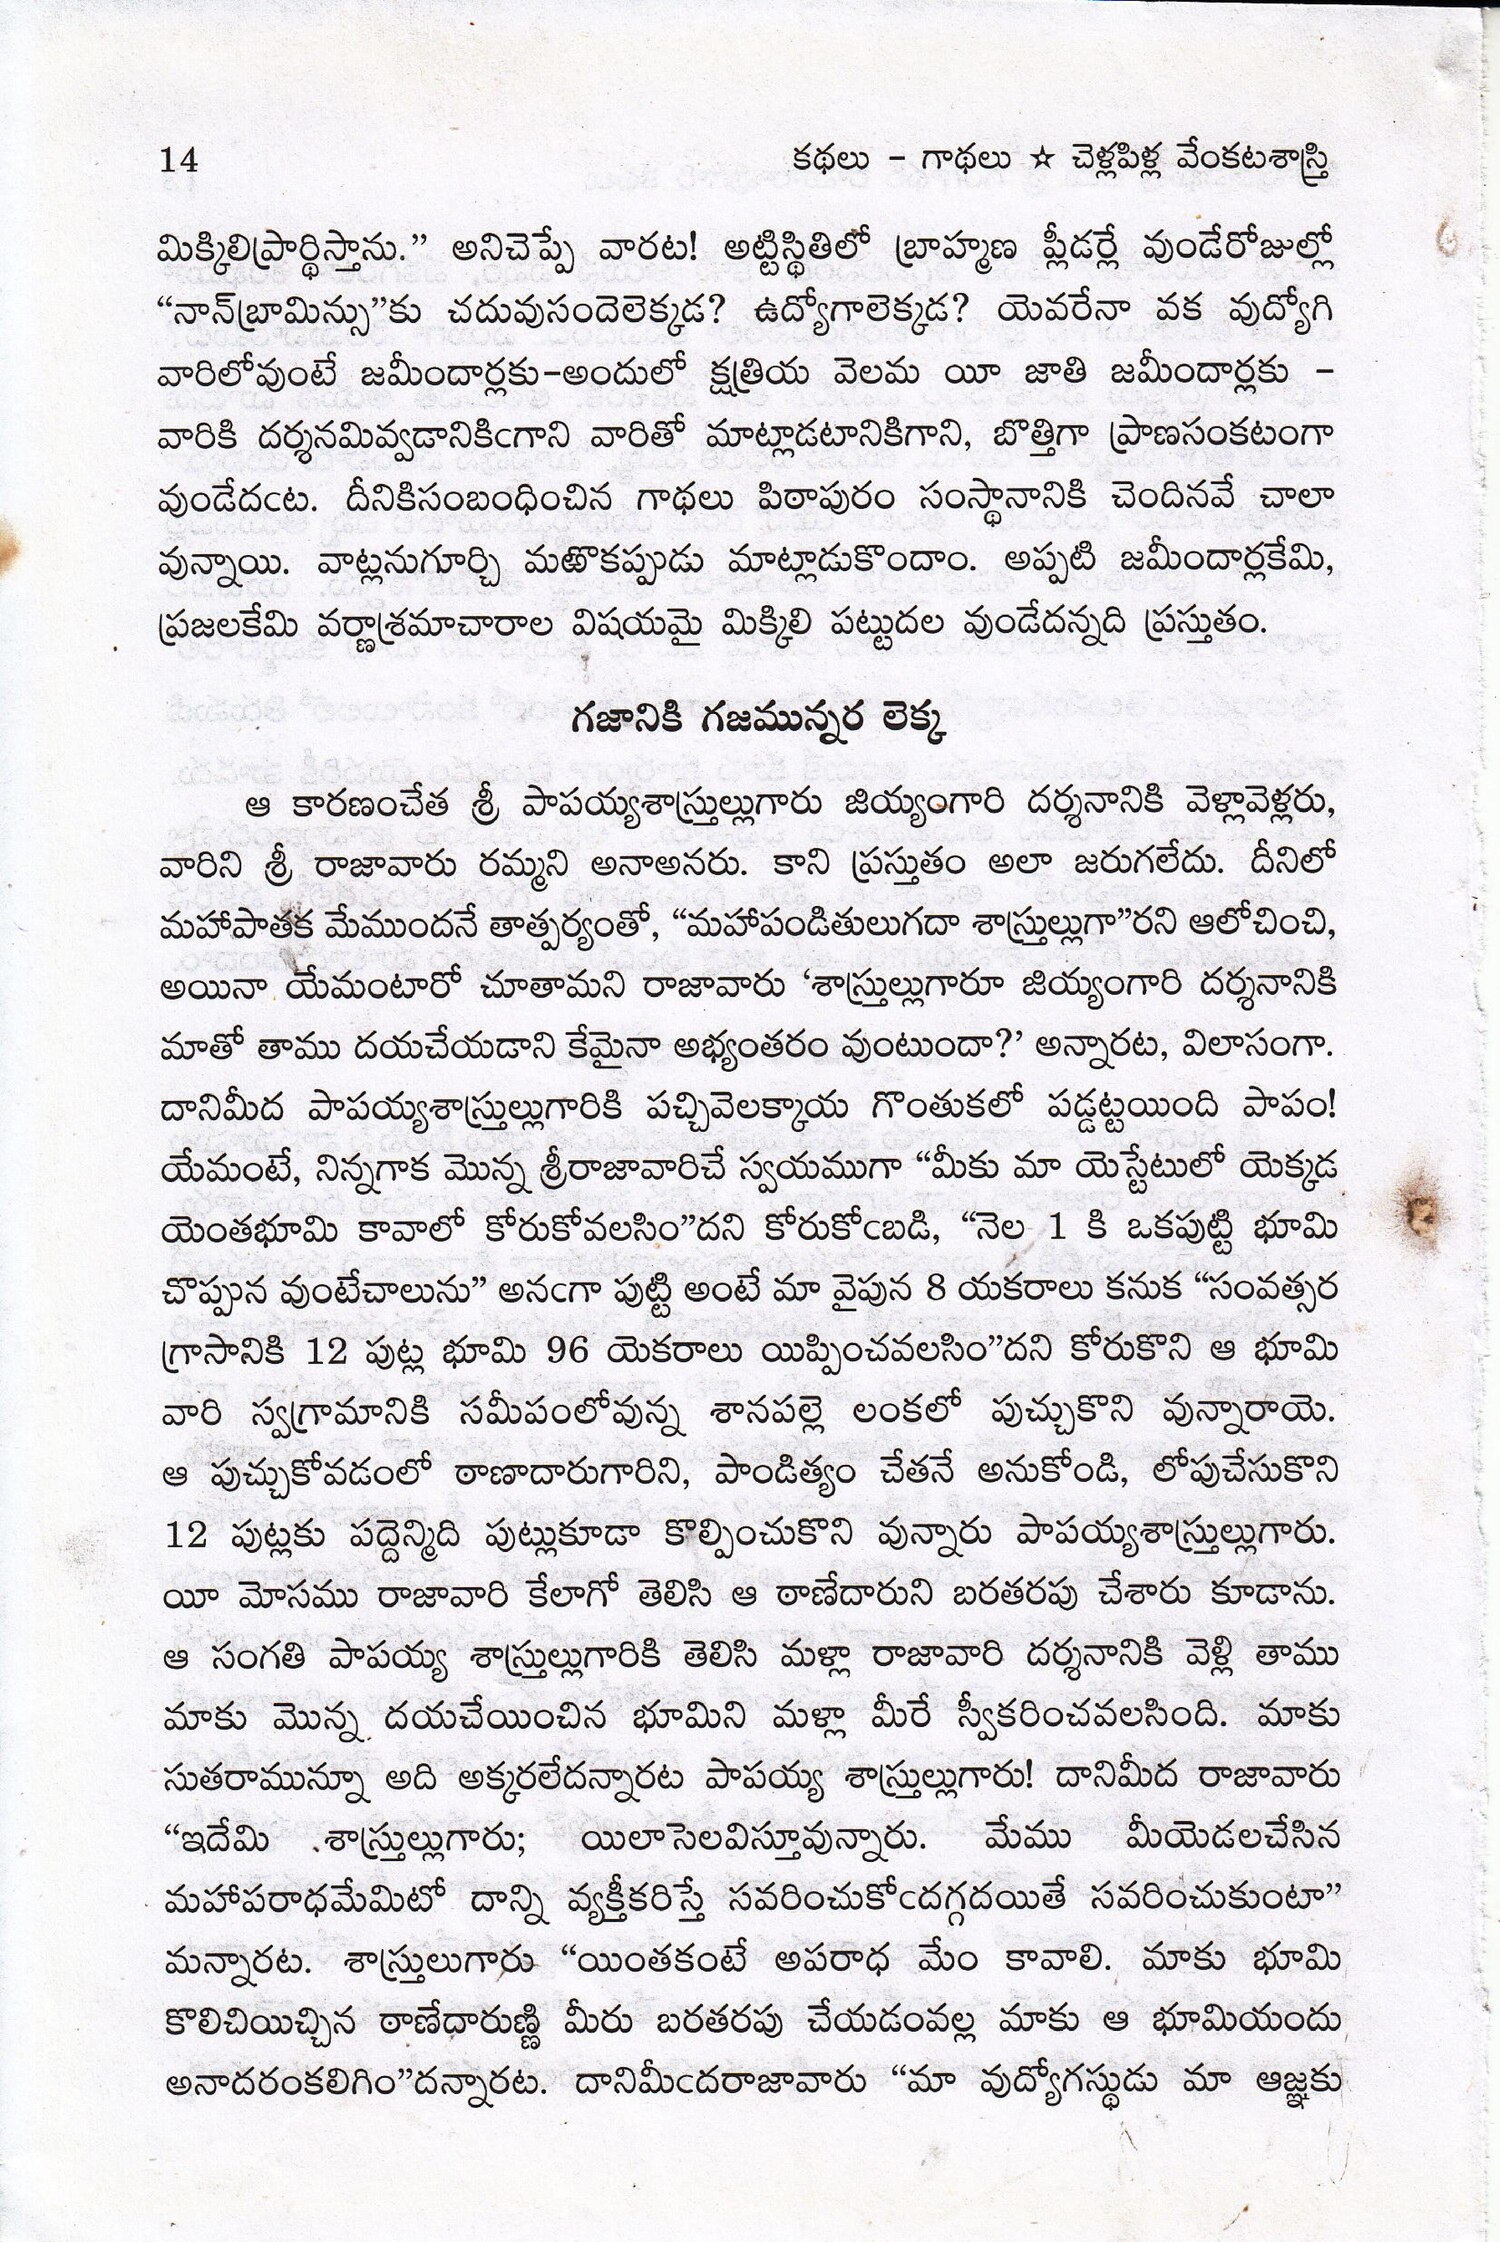మిక్కిలిప్రార్ధిస్తాను." అనిచెప్పే వారట! అట్టిస్థితిలో బ్రాహ్మణ ప్లీడర్లే వుండేరోజుల్లో “నాన్ బ్రామిన్సు"కు చదువుసందెలెక్కడ? ఉద్యోగాలెక్కడ? యెవరేనా వక వుద్యోగి వారిలోవుంటే జమీందార్లకు-అందులో క్షత్రియ వెలమ యీ జాతి జమీందార్లకు - వారికి దర్శనమివ్వడానికిఁగాని వారితో మాట్లాడటానికిగాని, బొత్తిగా ప్రాణసంకటంగా వుండేదఁట. దీనికిసంబంధించిన గాథలు పిఠాపురం సంస్థానానికి చెందినవే చాలా వున్నాయి. వాట్లనుగూర్చి మఱొకప్పడు మాట్లాడుకొందాం. అప్పటి జమీందార్లకేమి, ప్రజలకేమి వర్ణాశ్రమాచారాల విషయమై మిక్కిలి పట్టుదల వుండేదన్నది ప్రస్తుతం.

ఆ కారణంచేత శ్రీ పాపయ్యశాస్రుల్లుగారు జియ్యంగారి దర్శనానికి వెళ్లావెళ్లరు, వారిని శ్రీ రాజావారు రమ్మని అనాఅనరు. కాని ప్రస్తుతం అలా జరుగలేదు. దీనిలో మహాపాతక మేముందనే తాత్పర్యంతో, “మహాపండితులుగదా శాస్రుల్లుగా"రని ఆలోచించి, అయినా యేమంటారో చూతామని రాజావారు శాస్రుల్లుగారూ జియ్యంగారి దర్శనానికి మాతో తాము దయచేయడాని కేమైనా అభ్యంతరం వుంటుందా?" అన్నారట, విలాసంగా. దానిమీద పాపయ్యశాస్రుల్లుగారికి పచ్చివెలక్కాయ గొంతుకలో పడ్డట్టయింది పాపం! యేమంటే, నిన్నగాక మొన్న శ్రీరాజావారిచే స్వయముగా “మీకు మా యెస్టేటులో యొక్కడ యెంతభూమి కావాలో కోరుకోవలసిందని కోరుకోcబడి, "నెల 1 కి ఒకపుట్టి భూమి చొప్పున వుంటేచాలును" అనఁగా పుట్టి అంటే మా వైపున 8యకరాలు కనుక "సంవత్సర గ్రాసానికి 12 పుట్ల భూమి 96 యెకరాలు యిప్పించవలసిం"దని కోరుకొని ఆ భూమి వారి స్వగ్రామానికి సమీపంలోవున్న శానపల్లె లంకలో పుచ్చుకొని వున్నారాయె. ఆ పుచ్చుకోవడంలో ఠాణాదారుగారిని, పాండిత్యం చేతనే అనుకోండి, లోపుచేసుకొని 12 పుట్లకు పద్దెన్మిది పుట్లుకూడా కొల్పించుకొని వున్నారు పాపయ్యశాస్తుల్లుగారు. యీ మోసము రాజావారి కేలాగో తెలిసి ఆ ఠాణేదారుని బరతరపు చేశారు కూడాను. ఆ సంగతి పాపయ్య శాస్రుల్లుగారికి తెలిసి మళ్లా రాజావారి దర్శనానికి వెళ్లి తాము మాకు మొన్న దయచేయించిన భూమిని మళ్లా మీరే స్వీకరించవలసింది. మాకు సుతరామున్నూ అది అక్కరలేదన్నారట పాపయ్య శాస్రుల్లుగారు! దానిమీద రాజావారు “ఇదేమి శాస్రుల్లుగారు; యిలాసెలవిస్తూవున్నారు. మేము మీయెడలచేసిన మహాపరాధమేమిటో దాన్ని వ్యక్తీకరిస్తే సవరించుకోcదగ్గదయితే సవరించుకుంటా” మన్నారట. శాస్రులుగారు “యింతకంటే అపరాధ మేం కావాలి. మాకు భూమి కొలిచియిచ్చిన ఠాణేధారుణ్ణి మీరు బరతరపు చేయడంవల్ల మాకు ఆ భూమియందు అనాదరంకలిగిం"దన్నారట. దానిమీcదరాజావారు “మా వుద్యోగస్థుడు మా ఆజ్ఞకు
- \